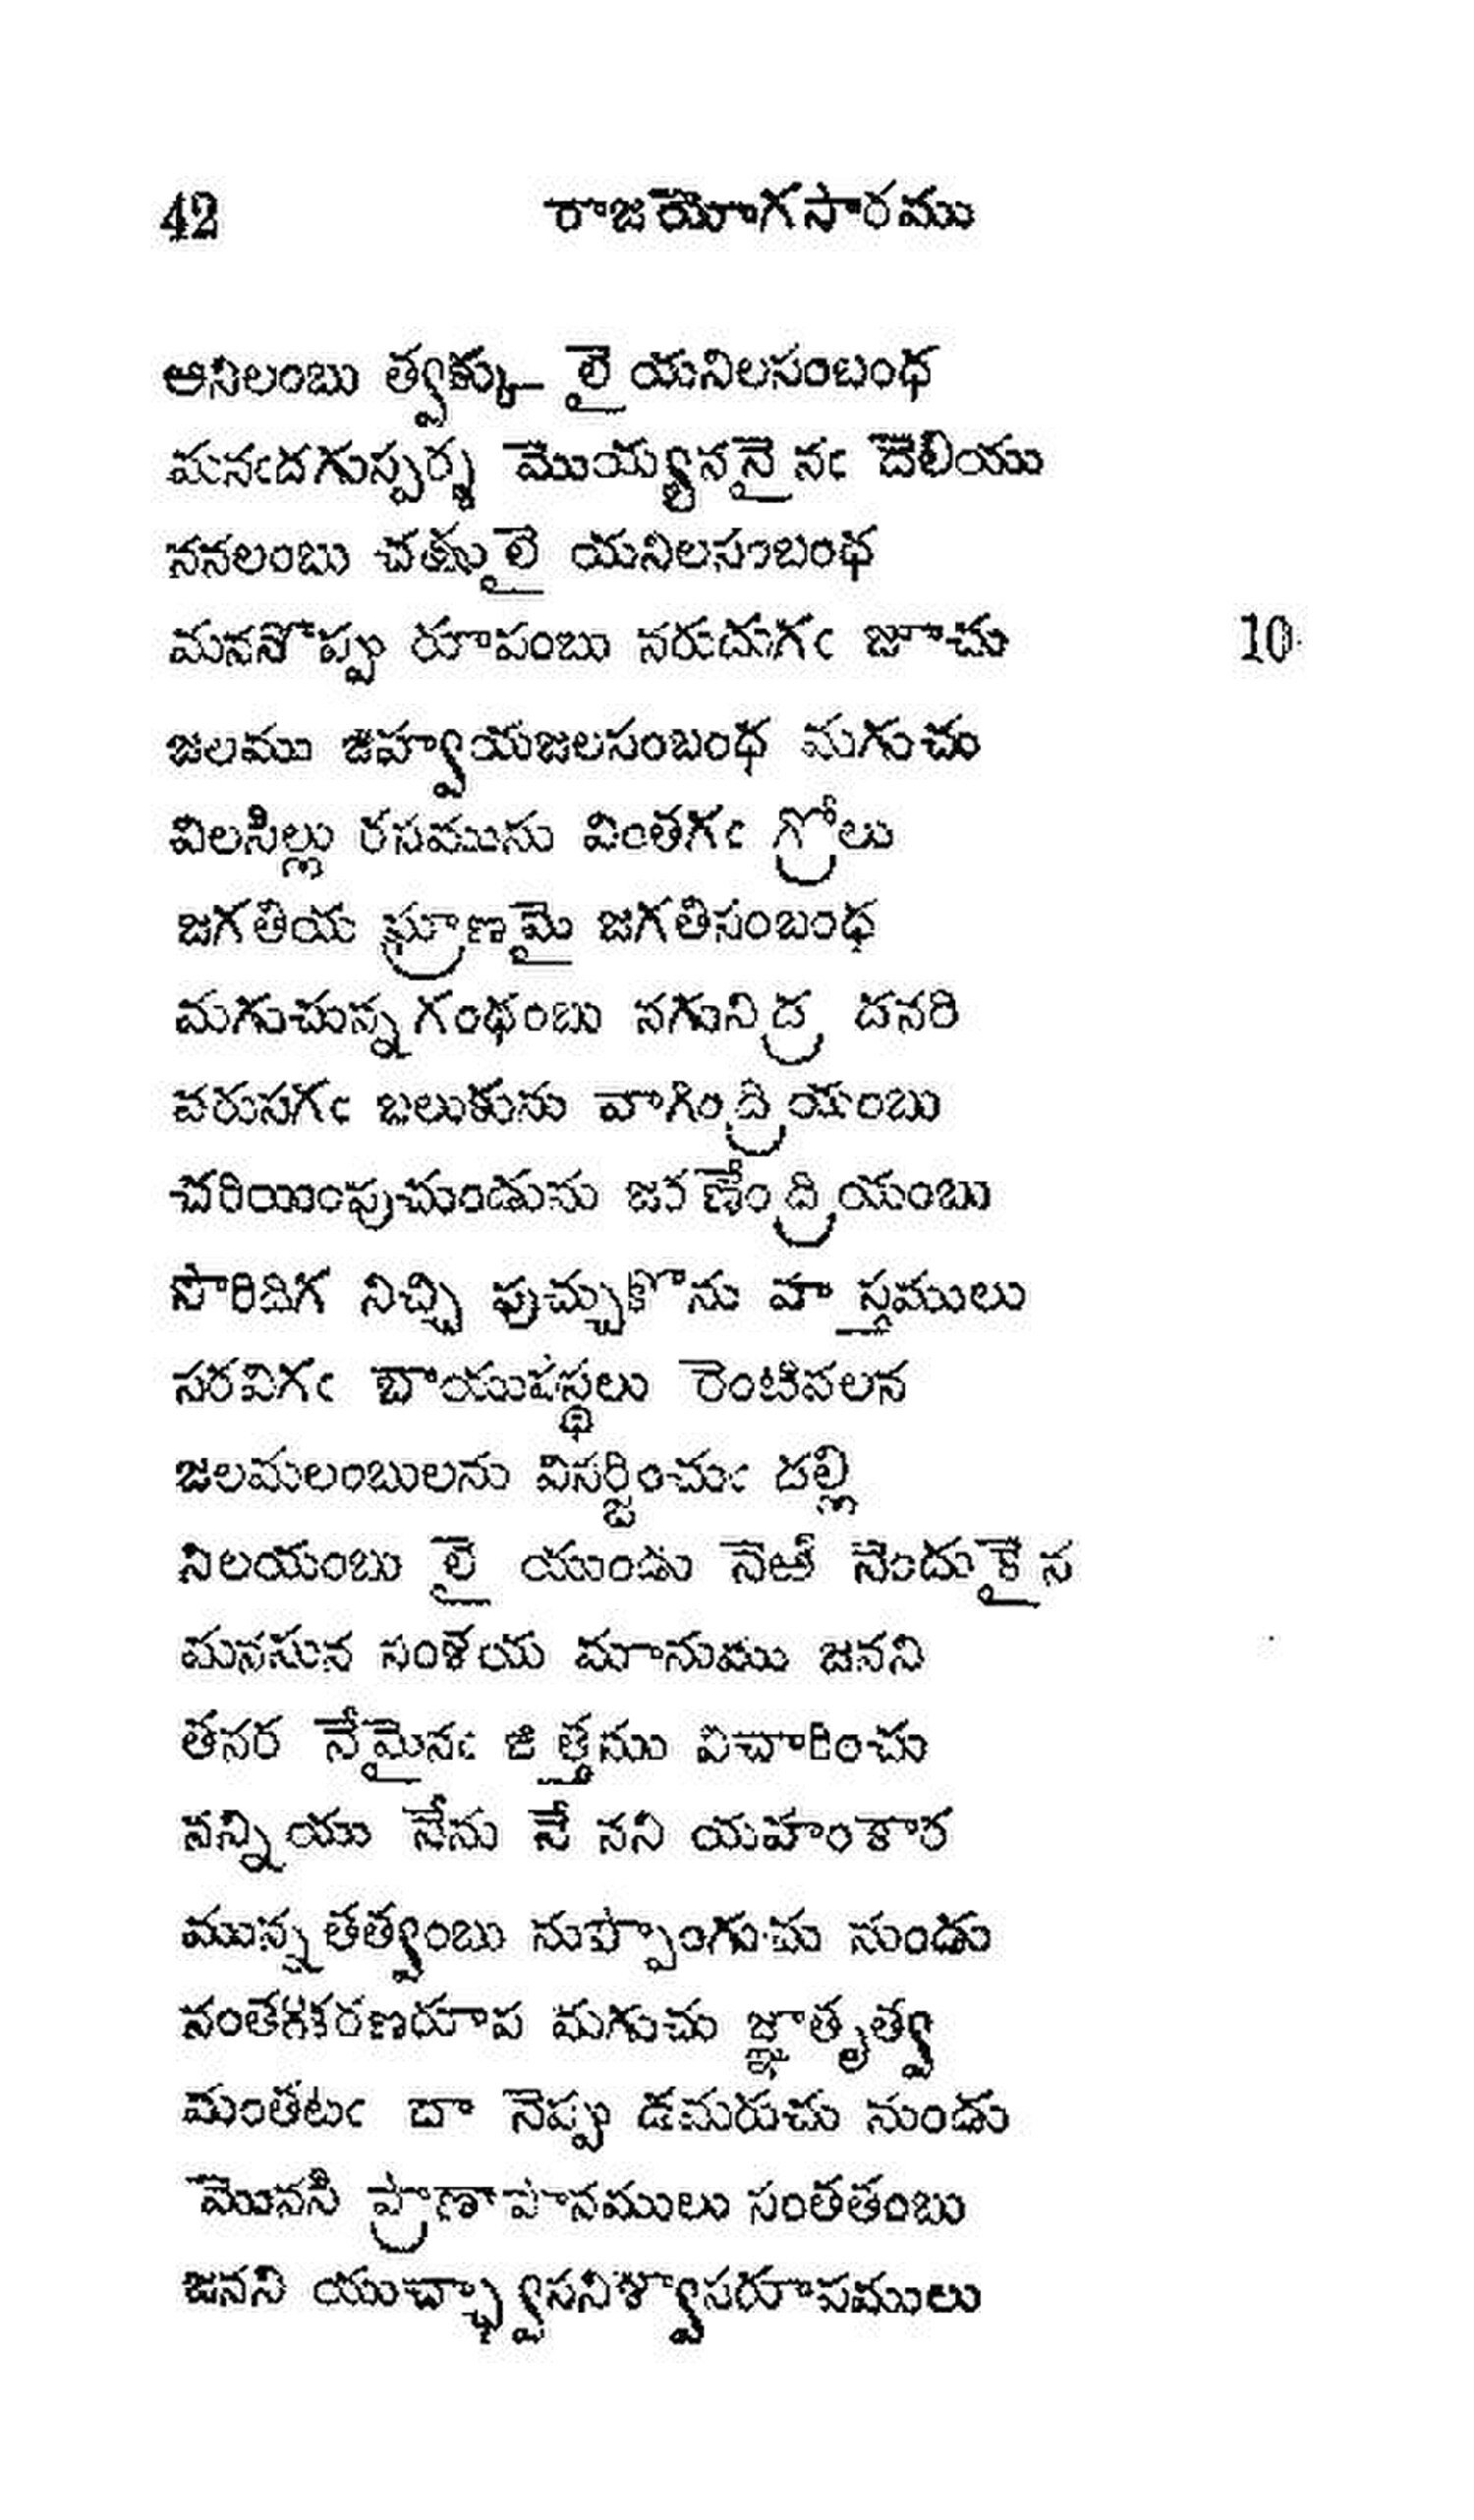అనిలంబు త్వక్కులైయనిలసంబంధ
మనఁదగుస్పర్శ మొయ్యననైనఁ దెలియు
ననలంబు చక్షులై యనిలసంబంధ
మననొప్పు రూపంబు నరుదుగఁ జూచు
జలము జిహ్వయజలసంబంధ మగుచు
విలసిల్లు రసమును వింతగఁ గ్రోలు
జగతియ ఘ్రాణమై జగతిసంబంధ
మగుచున్నగంధంబు నగునిద్ర దనరి
వరుసగఁ బలుకును వాగింద్రియంబు
చరియింపుచుండును జరణేంద్రియంబు
సొరిదిగ నిచ్చి పుచ్చుకొను హస్తములు
సరవిగఁ బాయుపస్థలు రెంటివలన
జలమలంబులను విసర్జించుఁ దల్లి
నిలయంబులై యుండు నెఱిి నెందుకైన
మనసున సంశయ మానుము జనని
తనర నేమైనఁ జిత్తము విచారించు
నన్నియు నేను నే నని యహంకార
మున్నతత్వంబు నుప్పొంగుచు నుండు
నంతఃకరణరూప మగుచు జ్ఞాతృత్వ
మంతటఁ దా నెప్పుడమరుచు నుండు
మొనసి ప్రాణాపానములు సంతతంబు
జనని యుచ్ఛ్వాసనిశ్వాసరూపములు